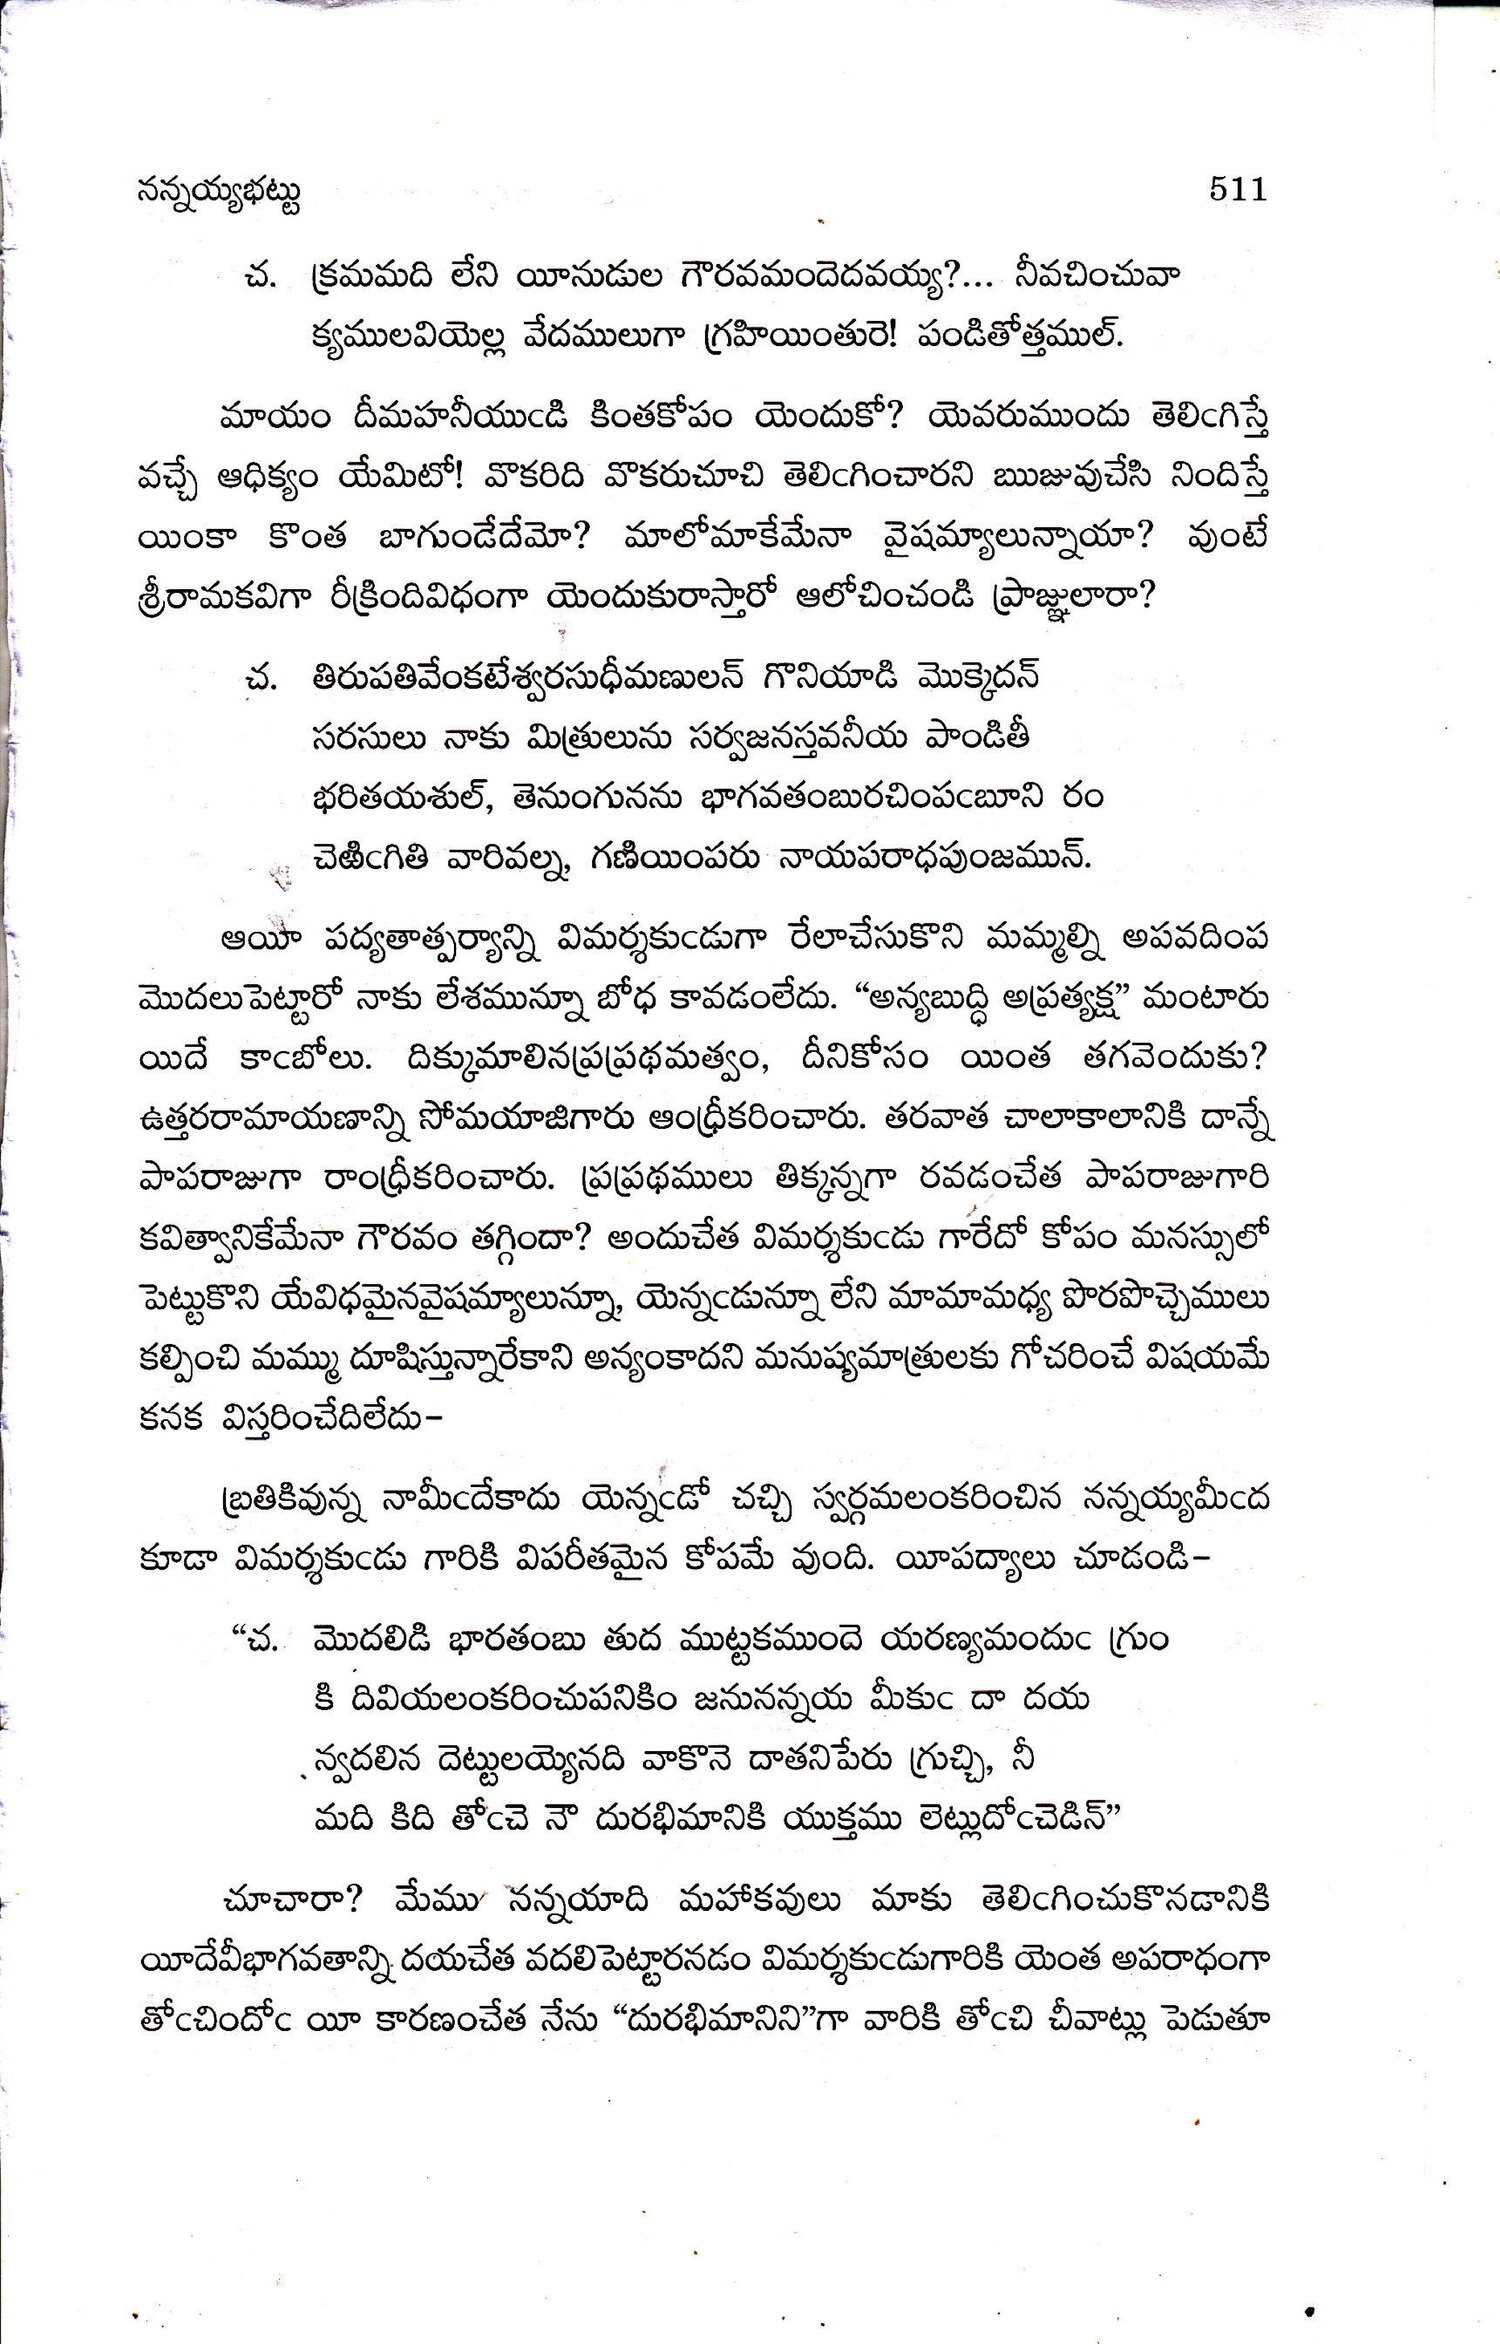చ. క్రమమది లేని యీనుడుల గౌరవమందెదవయ్య?... నీవచించువా 
 క్యములవియెల్ల వేదములుగా గ్రహియింతురె! పండితోత్తముల్,
మాయం దీమహనీయుఁడి కింతకోపం యెందుకో? యెవరుముందు తెలిఁగిస్తే వచ్చే ఆధిక్యం యేమిటో వొకరిది వొకరుచూచి తెలిఁగించారని ఋజువుచేసి నిందిస్తే యింకా కొంత బాగుండేదేమో? మాలోమాకేమేనా వైషమ్యాలున్నాయా? వుంటే శ్రీరామకవిగా రీక్రిందివిధంగా యెందుకురాస్తారో ఆలోచించండి ప్రాజ్ఞులారా?

చ. తిరుపతివేంకటేశ్వరసుధీమణులన్ గొనియాడి మొక్కెదన్
 సరసులు నాకు మిత్రులును సర్వజనస్తవనీయ పాండితీ 
 భరితయశుల్, తెనుంగునను భాగవతంబురచింపఁబూని రం
 చెఱిఁగితి వారివల్న, గణియింపరు నాయపరాధపుంజమున్.
ఆయీ పద్యతాత్పర్యాన్ని విమర్శకుఁడుగా రేలాచేసుకొని మమ్మల్ని అపవదింప మొదలుపెట్టారో నాకు లేశమున్నూ బోధ కావడంలేదు. "అన్యబుద్ధి అప్రత్యక్ష" మంటారు యిదే కాఁబోలు. దిక్కుమాలినప్రప్రథమత్వం, దీనికోసం యింత తగవెందుకు? ఉత్తరరామాయణాన్ని సోమయాజిగారు ఆంద్రీకరించారు. తరవాత చాలాకాలానికి దాన్నే పాపరాజుగా రాంద్రీకరించారు. ప్రప్రథములు తిక్కన్నగా రవడంచేత పాపరాజుగారి కవిత్వానికేమేనా గౌరవం తగ్గిందా? అందుచేత విమర్శకుఁడు గారేదో కోపం మనస్సులో పెట్టుకొని యేవిధమైనవైషమ్యాలున్నూ యెన్నఁడున్నూ లేని మామామధ్య పొరపొచ్చెములు కల్పించి మమ్మ దూషిస్తున్నారేకాని అన్యంకాదని మనుష్యమాత్రులకు గోచరించే విషయమే కనక విస్తరించేదిలేదు--

బ్రతికివున్న నామీఁదేకాదు యెన్నడో చచ్చి స్వర్గమలంకరించిన నన్నయ్యమీఁద కూడా విమర్శకుఁడు గారికి విపరీతమైన కోపమే వుంది. యీపద్యాలు చూడండి

“చ. మొదలిడి భారతంబు తుద ముట్టకముందె యరణ్యమందుఁ గ్రుం 
 కి దివియలంకరించుపనికిం జనునన్నయ మీకుఁ దా దయ 
 న్వదలిన దెట్టులయ్యెనది వాకొనె దాతనిపేరు గ్రుచ్చి, నీ 
 మది కిది తోఁచె నౌ దురభిమానికి యుక్తము లెట్లుదోఁచెడిన్"
చూచారా? మేము నన్నయాది మహాకవులు మాకు తెలిఁగించుకొనడానికి యీదేవీభాగవతాన్ని దయచేత వదలిపెట్టారనడం విమర్శకుఁడుగారికి యెంత అపరాధంగా తోఁచిందోఁ యీ కారణంచేత నేను “దురభిమానిని"గా వారికి తోఁచి చీవాట్లు పెడుతూ